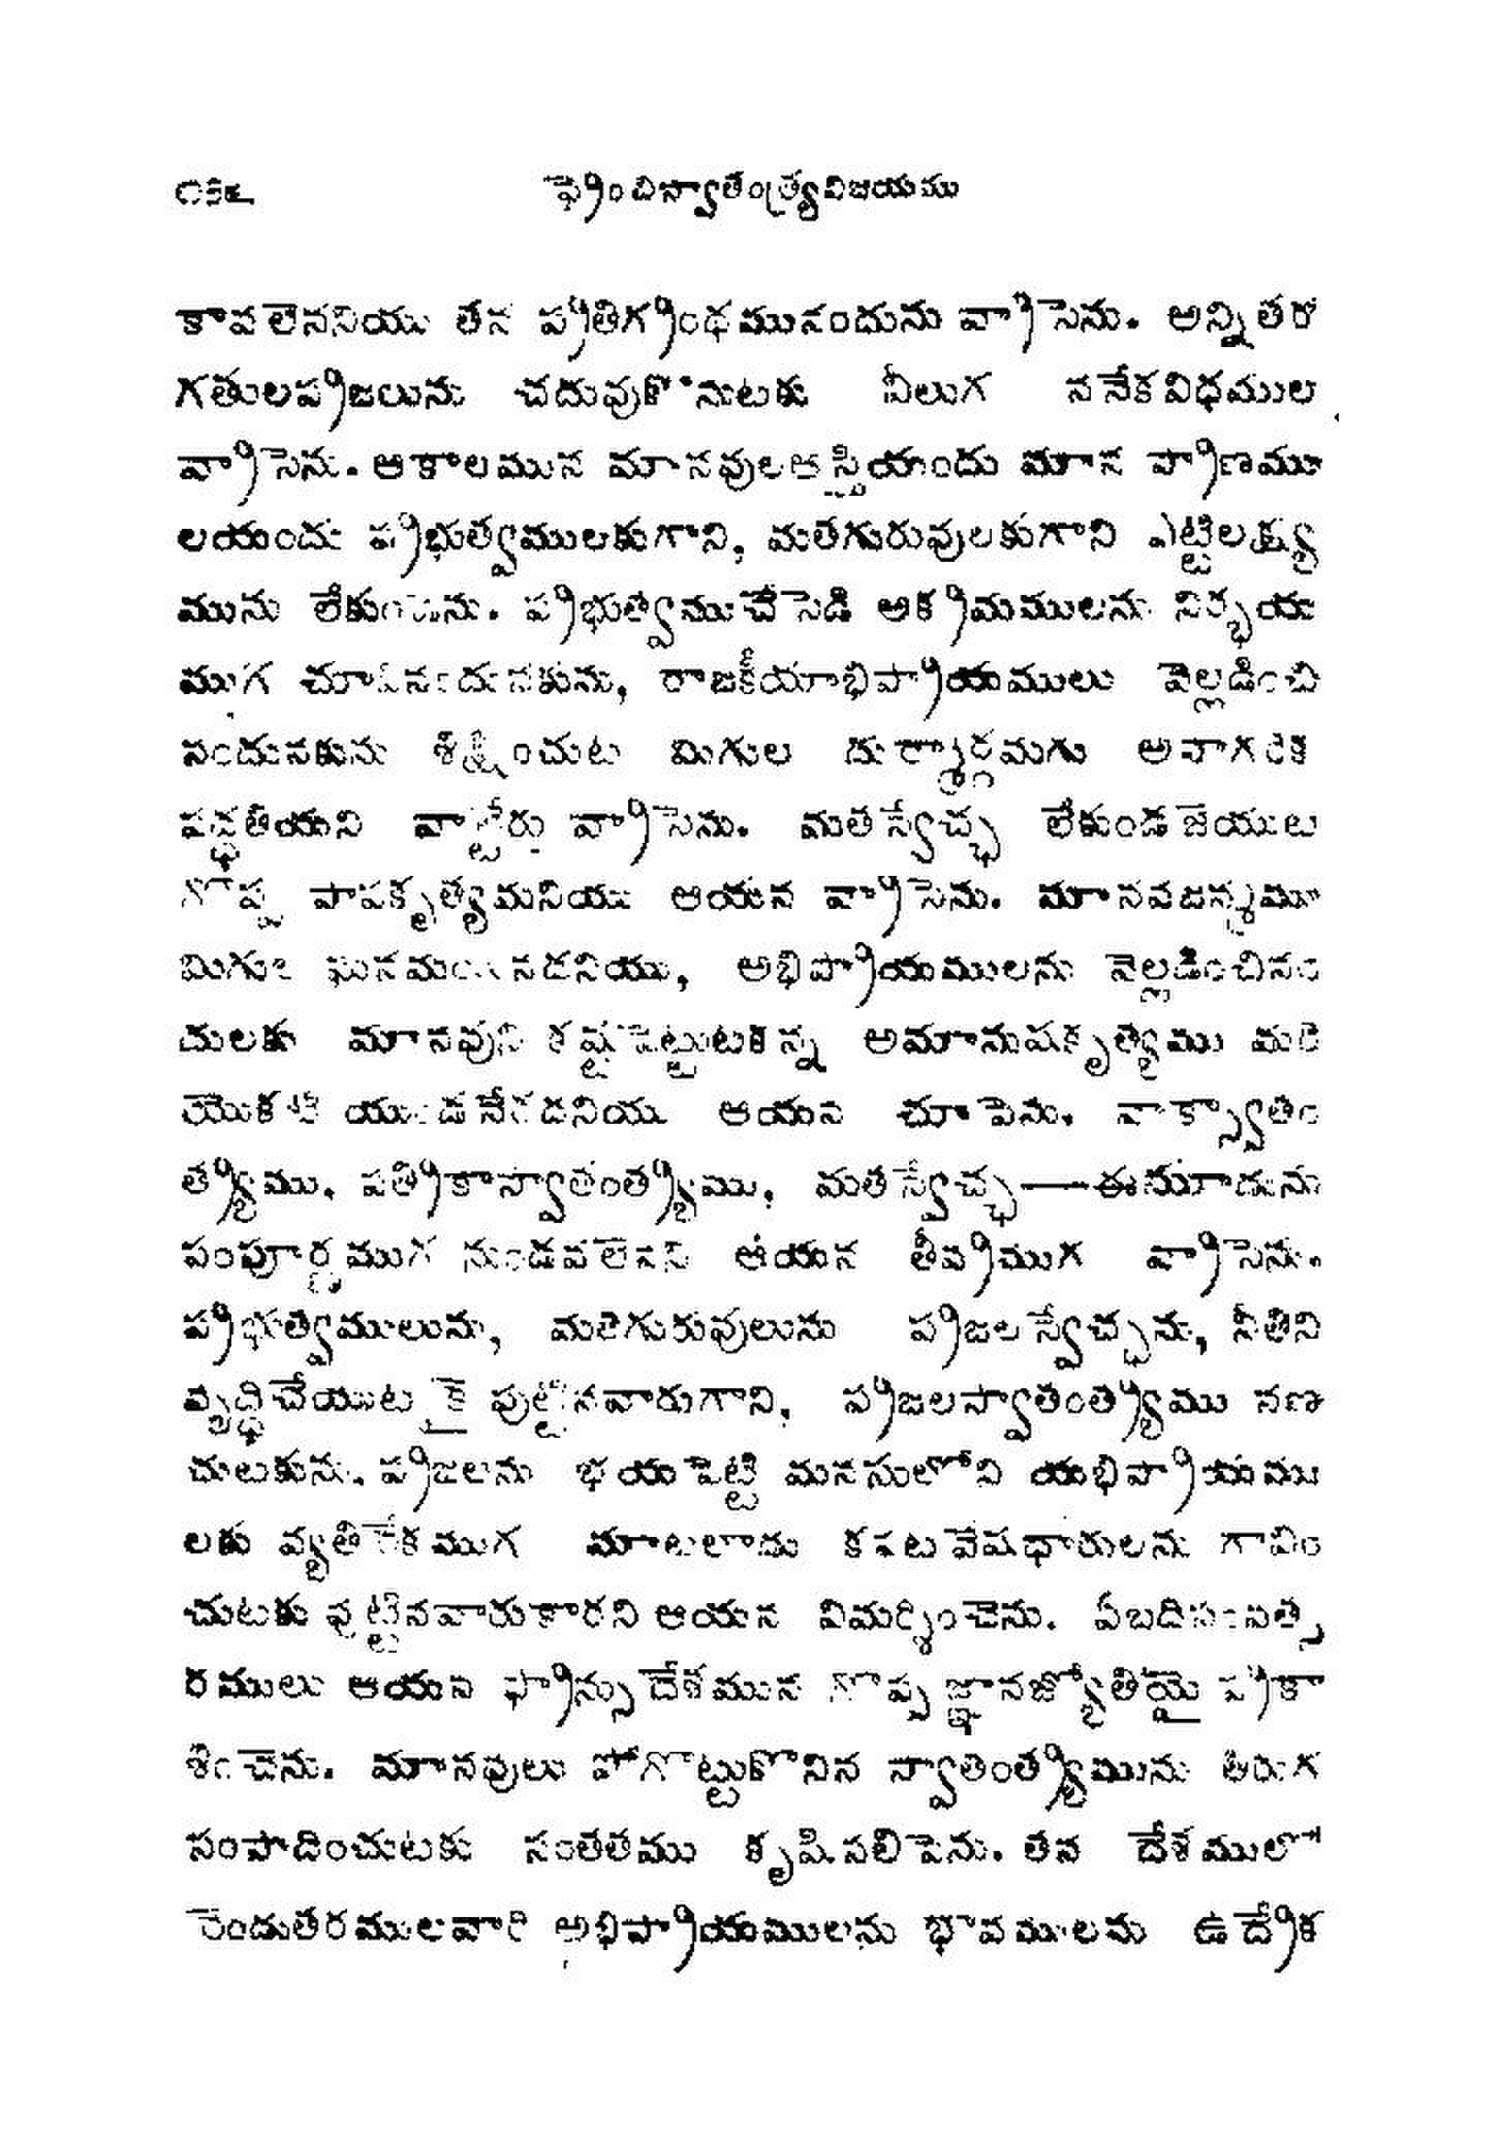కావలెననియు తన ప్రతిగ్రంధమునందును వ్రాసెను. అన్ని తర
గతుల ప్రజలును చదువుకొనుటకు వీలుగా ననేక విధములు,
వ్రాసెను. ఆకాలమున మానవులు ఆస్తి యందు మాన ప్రాణము
లయందు ప్రభుత్వములకు గాని, మతగురువులకుగాని ఎట్టిలక్ష్య
మును లేకుండెను. ప్రభుత్వము చేసెడి అక్రమములను నిర్భయ
ముగ చూపనందునకును, రాజకీయాభిప్రాయములు వెల్లడించి
సందునకును శిక్షించుట మిగుల దుర్మార్గమగు అనాగరిక
పద్ధత యని వాల్టేరు వ్రాసెను. మత స్వేచ్ఛ లేకుండ జేయుట
గోప్పపాపకృత్యమనియు ఆయన వ్రాసెను. మానవజన్మము
మిగుల. ఘనమయిదనియు, అభిప్రాయములను నెల్లడించినం
దులకు మానవుని కష్ట పెట్టుట కన్న అమానుషకృత్యము
మరి యొక యుండనేర దనియు ఆయన చూపెను, 
వాక్స్వాతంత్రం, పత్రికా స్వాతంత్యము, మత స్వేచ్ఛ- ఈ మూడును
సంపూర్ణముగ నుండవలెనని. ఆయన తీవ్రముగ వ్రాసెను .
ప్రభుత్వములును, మతగురువులుసు ప్రజల స్వేచ్ఛను, నీతిని
వృద్ధి చేయుటకై ఫుట్టినవారుగాని, ప్రజల స్వాతంత్యము నణ
చుటకును, ప్రజలను భయ పెట్టి మనసులోని యభిప్రాయము
లకు వ్యతి రేకముగ మాటలాడు. కపట వేషధారులను గావిం
చుటకు పుట్టినవారు కారని ఆయన విమర్శించెను. ఏబది సంవత్స
రములు ఆయన ఫ్రాన్సు దేశమున గొప్ప జ్ఞానజ్యోతియై --ప్రకా
శించెను. మానవులు పోగొట్టుకొనిన స్వాతంత్యమును తిరుగ 
సంపాదించుటకు సంతతము కృషి సలిపెను. తన దేశములో
రెండుతరములవారి అభిప్రాయములను భావములను ఉద్రేక